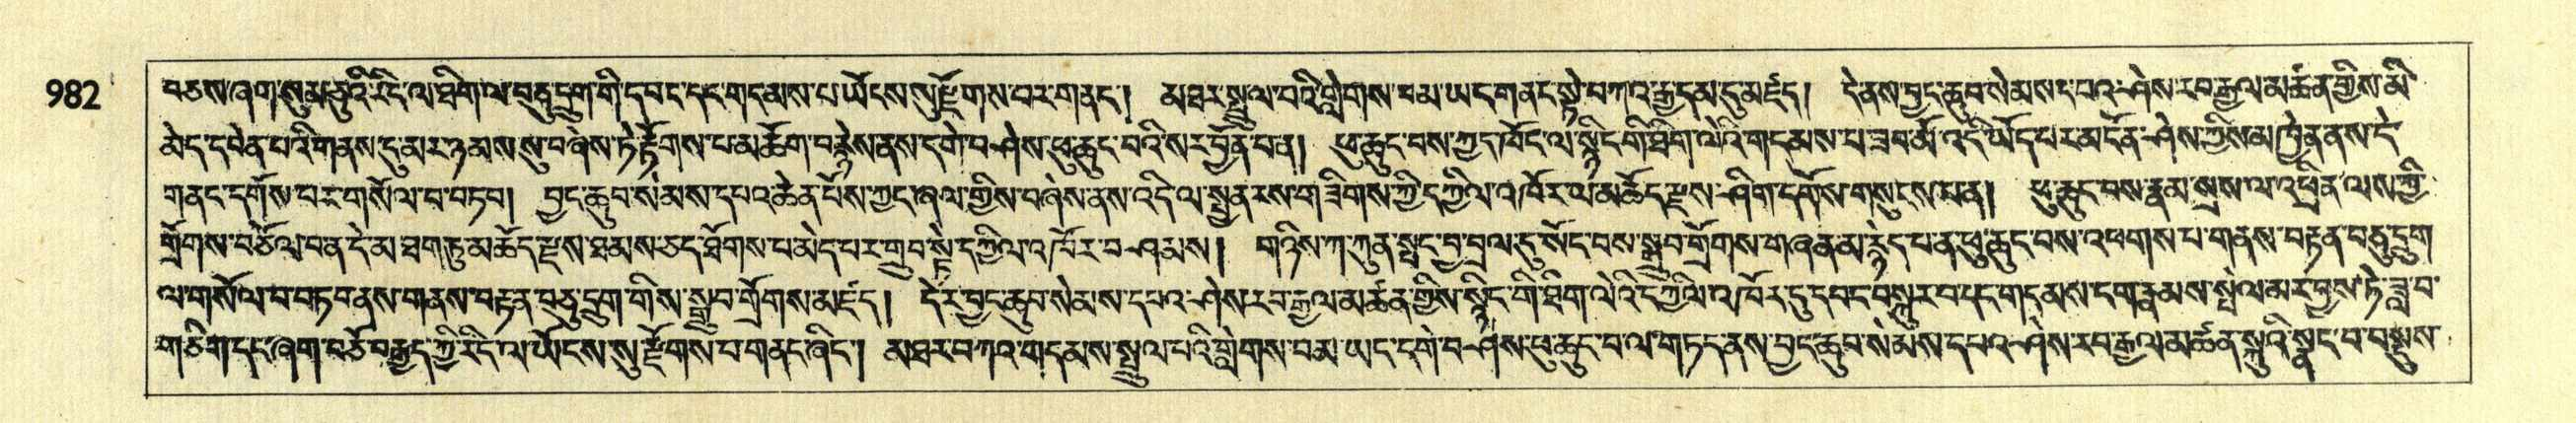བཅས་ཞག་སུམ་ཅུའི་རིང་ལ་ཐིག་ལ་བཅུ་དྲུག་གི་དབང་དང་གདམས་པ་ཡོངས་སུ་རྫོགས་བར་གནང་། མཐར་སྤྲུལ་བའི་གླེགས་བམ་ཡང་གནང་སྟེ་བཀའ་རྒྱད་དམ་དུ་མཛད། དེ་ནས་བྱང་ཆུབ་སེམས་དཔའ་ཤེས་རབ་རྒྱལ་མཚན་གྱིས་མི་
མེད་དབེན་པའི་གནས་དུ་མར་ཉམས་སུ་བཞེས་ཏེ་རྟོགས་པ་མཆོག་བརྙེས་ནས་དགེ་བཤེས་ཕུ་ཆུང་བའི་སར་བྱོན་པ་ན། ཕུ་ཆུང་བས་ཀྱང་ཁོང་ལ་སྙིང་གི་ཐིག་ལེའི་གདམས་པ་ཟབ་མོ་འདི་ཡོད་པར་མངོན་ཤེས་ཀྱིས་མཁྱེན་ནས་དེ་
གནང་དགོས་བར་གསོལ་བ་བཏབ། བྱང་ཆུབ་སེམས་དཔའ་ཆེན་པོས་ཀྱང་ཞལ་གྱིས་བཞེས་ནས་འདི་ལ་སྤྱན་རས་གཟིགས་ཀྱི་དཀྱིལ་འཁོར་ལ་མཆོད་རྫས་ཤིག་དགོས་གསུངས་པ་ན། ཕུ་ཆུང་བས་རྣམ་སྲས་ལ་འཕྲིན་ལས་ཀྱི་
གྲོགས་བཅོལ་བ་ན་དེ་མ་ཐག་ཏུ་མཆོད་རྫས་ཐམས་ཅད་ཐོགས་པ་མེད་པར་གྲུབ་སྟེ་དཀྱིལ་འཁོར་བཤམས། གཉིས་ཀ་ཀུན་སྤང་བྱ་བྲལ་དུ་སོང་བས་སྒྲུབ་གྲོགས་གཞན་མ་རྙེད་པ་ན་ཕུ་ཆུང་བས་འཕགས་པ་གནས་བརྟན་བཅུ་དྲུག་
ལ་གསོལ་བ་བཏབ་ནས་གནས་བརྟན་བཅུ་དྲུག་གིས་སྒྲུབ་གྲོགས་མཛད། དེར་བྱང་ཆུབ་སེམས་དཔའ་ཤེས་རབ་རྒྱལ་མཚན་གྱིས་སྙིང་གི་ཐིག་ལེའི་དཀྱིལ་འཁོར་དུ་དབང་བསྐུར་བ་དང་གདམས་ངག་རྣམས་སྤེལ་མར་བྱས་ཏེ་ཟླ་བ་
གཅིག་དང་ཞག་བཅོ་བརྒྱད་ཀྱི་རིང་ལ་ཡོངས་སུ་རྫོགས་པ་གནང་ཞིང་། མཐར་བཀའ་གདམས་སྤྲུལ་པའི་གླེགས་བམ་ཡང་དགེ་བཤེས་ཕུ་ཆུང་བ་ལ་གཏད་ནས་བྱང་ཆུབ་སེམས་དཔའ་ཤེས་རབ་རྒྱལ་མཚན་སྐུའི་སྣང་བ་བསྡུས་